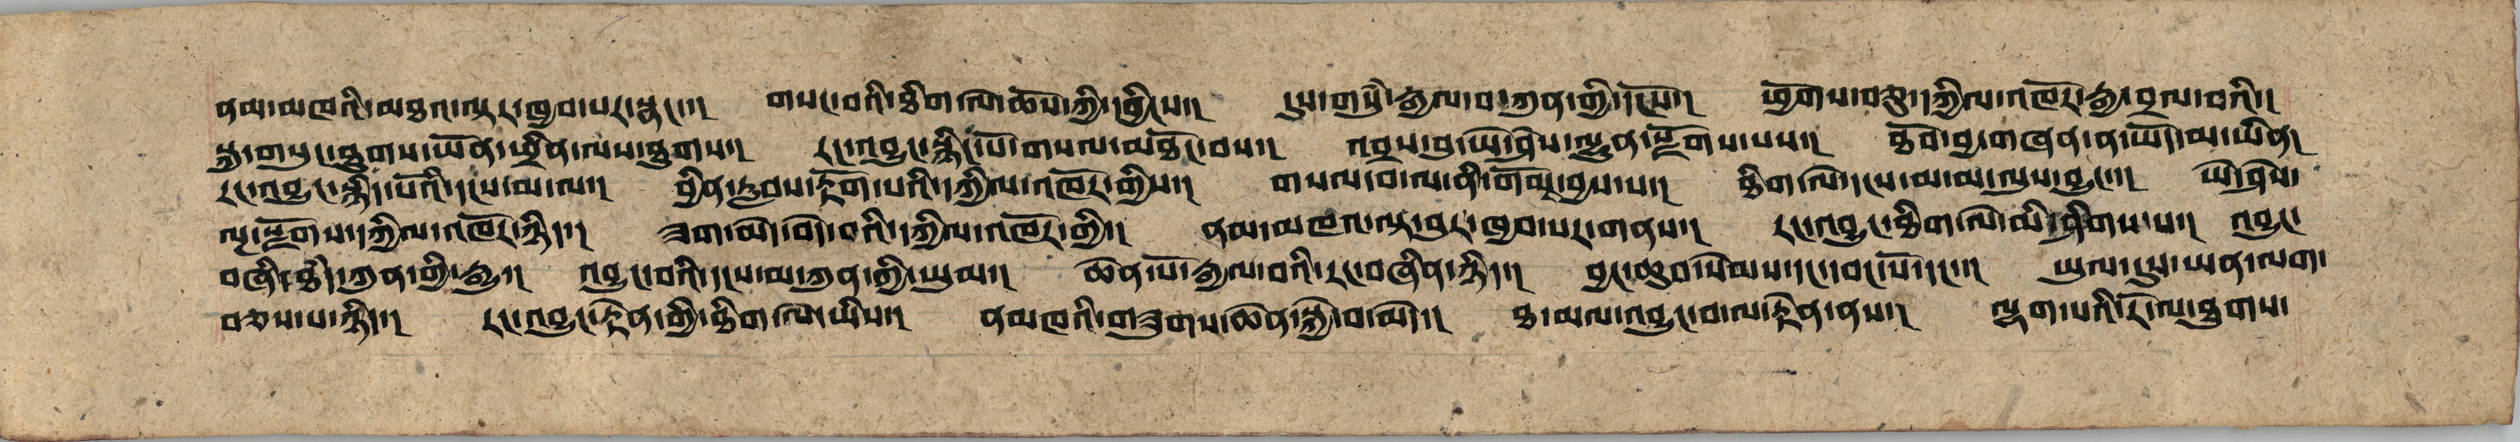ནམ་མཁའི་མཐའ་ལྟར་ཁྱབ་པར་སྣང་་། གསང་བའི་ཐིག་ལེ་ཆོས་ཀྱི་དབྱིངས་། དུས་གསུཾ་རྒྱལ་བ་ཀུན་གྱི་དངོས་། ཕྱོག་བཅུ་དཀྱིལ་འཁོར་རྒྱ་བྲལ་བའི་།
སྐུ་གསུང་ཐུགས་ཡོན་ཕྲིན་ལས་ཐུགས་། རང་འབྱུང་སྙིང་པོ་གསལ་མཐོང་བས་། འབྲས་བུ་ཡེ་ཤེས་ལྷུན་སྫོགས་པས་། ཐོབ་བྱ་གཞན་ན་ཡོད་མ་ཡིན་།
རང་བྱུང་སྙིང་པོའི་དངས་མ་ལ་། བྱིན་རླབས་རྟོག་པའི་དཀྱིལ་འཁོར་གྱིས་། གསལ་བ་ལ་ནི་གོམས་བྱས་པ་། ཐིག་ལེ་དངས་མ་མ་ལུས་བྱུང་་། ཡེ་ཤེས་
ལྔ་སྫོགས་དཀྱིལ་འཁོར་ཉིད་། ཟག་མེད་བདེ་བའི་དཀྱིལ་འཁོར་གྱི་། ནམ་མཁའ་ལྟ་བུར་ཁྱབ་པར་གནས་། རང་འབྱུང་ཐིག་ལེ་མི་ཤིགས་པ་། འབྱུང་
བཞི་ཐཾད་ཀུན་གྱི་རྒྱུ་། འབྱུང་བའི་དངས་མ་ཀུན་གྱི་ཡུམ་། ཆེན་པོ་རྒྱལ་བའི་རང་བཞིན་ཉིད་། བྱང་ཆུབ་སེམས་དང་དབང་པོ་དང་་། ཡུལ་དུས་ཡན་ལག་
བཅས་པ་ཉིད་། རང་འབྱུང་རྟེན་གྱི་ཐིག་ལེ་ཡིས་། ནམཁའི་གཟུགས་ཆེན་སྐྱེ་བ་མེད་། ཐ་མལ་འབྱུང་བ་ལ་རྟེན་ནས་། ལྷག་པའི་རེ་ལ་ཐུགས་